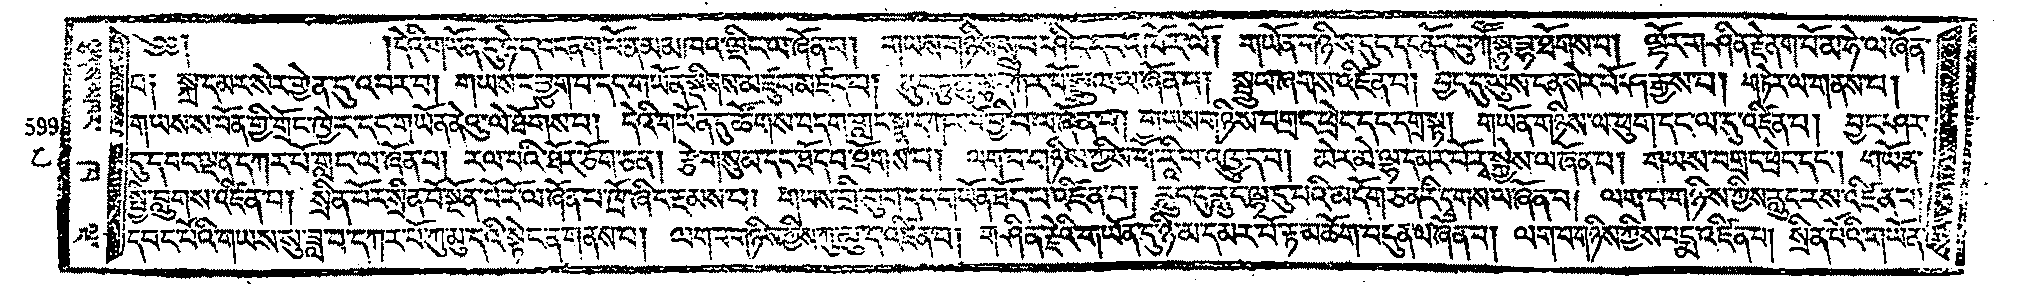༄༅། །དེའི་གཡོན་དུ་ཉེ་དབང་ནག་པོ་ནམ་མཁའ་ལྡིང་ལ་ཞོན་པ། གཡས་གཉིས་སྲུབ་ཤིང་དང་འཁོར་ལོ། གཡོན་གཉིས་དྲུང་དང་ནོར་བུ་ཀཽསྟུ་བྷ་ཐོགས་པ། ལྷོར་གཤིན་རྗེ་ནག་པོ་མ་ཧེ་ལ་ཞོན་
བ༑ སྐྲ་དམར་སེར་གྱེན་དུ་འབར་བ། གཡས་དབྱུག་པ་དང་གཡོན་སྡིག་མཛུབ་མཛད་པ། ནུབ་ཏུ་ཆུ་ལྷ་དཀར་པོ་སྤྲུལ་ལ་ཞོན་པ། སྤྲུལ་ཞགས་འཛིན་པ། བྱང་དུ་ལུས་ངན་སེར་པོ་ཤ་རྒྱས་པ། གཏེར་ལ་གནས་པ།
གཡས་ས་བོན་གྱི་གྲོང་ཁྱེར་དང་གཡོན་ནེའུ་ལེ་ཐོགས་པ། དེའི་གཡོན་དུ་ཚོགས་བདག་གླང་སྣ་དཀར་པོ་བྱི་བ་ལ་ཞོན་པ། གཡས་གཉིས་བགྲང་ཕྲེང་དང་དགྲ་སྟ། གཡོན་གཉིས་ལ་ཕུག་དང་ལ་དུ་འཛིན་པ། བྱང་ཤར་
དུ་དབང་ལྡན་དཀར་པོ་གླང་ལ་ཞོན་པ། རལ་པའི་ཐོར་ཅོག་ཅན། རྩེ་གསུམ་དང་ཐོད་བ་ཐོགས་པ། ལག་པ་གཉིས་ཀྱིས་གཽ་རཱི་ལ་འཁྱུད་པ། མེར་མེ་ལྷ་དམར་པོ་རྭ་སྐྱེས་ལ་ཞོན་པ། གཡས་བགྲང་ཕྲེང་དང་། གཡོན་
སྤྱི་བླུགས་འཛིན་པ། སྲིན་པོར་སྲིན་པོ་སྔོན་པོ་རོ་ལ་ཞོན་པ་ཁྲོ་ཞིང་རྔམས་པ། གཡས་གྲི་གུག་དང་གཡོན་ཐོད་པ་འཛིན་པ། རླུང་དུ་རླུང་ལྷ་དུ་པའི་མདོག་ཅན་རི་དྭགས་ལ་ཞོན་པ། ལག་པ་གཉིས་ཀྱིས་རླུང་རས་འཛིན་པ།
དབང་པོའི་གཡས་སུ་ཟླ་བ་དཀར་པོ་ཀུ་མུ་དའི་སྟེང་ན་གནས་པ། ལག་པ་གཉིས་ཀྱིས་ཀུ་མུ་ད་འཛིན་པ། གཤིན་རྗེའི་གཡོན་དུ་ཉི་མ་དམར་པོ་རྟ་མཆོག་བདུན་ལ་ཞོན་པ། ལག་པ་གཉིས་ཀྱིས་པདམ་འཛིན་པ། སྲིན་པོའི་གཡོན་